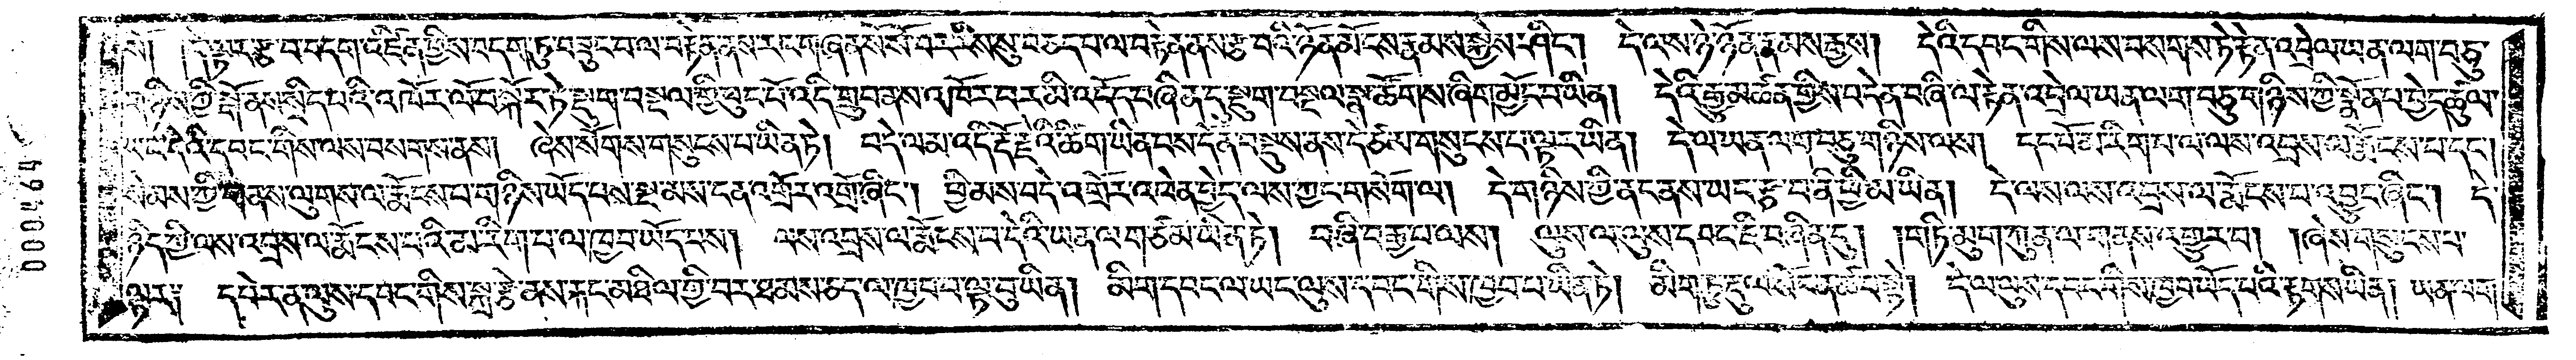སོ། །དེ་ལྟར་རྩ་བ་བདག་འཛིན་གྱིས་བདག་ཏུ་བཟུང་བ་ལ་བརྟེན་ནས་རང་གཞན་སོ་སོ་བར་རིས་སུ་བཅད་པ་ལ་བརྟེན་ནས་རྩ་བའི་ཉོན་མོངས་རྣམས་སྐྱེས་ཤིང་། དེ་ལས་ཉེ་ཉོན་རྣམས་རྒྱས། དེའི་དབང་གིས་ལས་བསགས་ཏེ་རྟེན་འབྲེལ་ཡན་ལག་བཅུ་
གཉིས་ཀྱི་སྒོ་ནས་སྲིད་པའི་འཁོར་ལོ་བསྐོར་ཏེ་སྡུག་བསྔལ་གྱི་ཕུང་པོ་འདི་གྲུབ་ནས་འཁོར་བར་མི་འདོད་བཞིན་དུ་སྡུག་བསྔལ་སྣ་ཚོགས་ཞིག་མྱོང་བ་ཡིན། དེའི་རྒྱུ་མཚན་གྱི་བདེན་བཞི་ལ་བརྟེན་འབྲེལ་ཡན་ལག་བཅུ་གཉིས་ཀྱི་སྣོན་པ་བྱེད་ཚུལ་
ཡང་དེའི་དབང་གིས་ལས་བསགས་ནས། ཞེས་སོགས་གསུངས་པ་ཡིན་ཏེ། བདེ་ལམ་འདི་རྡོ་རྗེའི་ཚིག་ཡིན་པས་དོན་བསྡུས་ནས་དེ་ཙམ་གསུངས་པ་ལྟར་ཡིན། དེ་ལ་ཡན་ལག་བཅུ་གཉིས་ལས། དང་པོ་མ་རིག་པ་ལ་ལས་འབྲས་ལ་རྨོངས་པ་དང་།
སེམས་ཀྱི་གནས་ལུགས་ལ་རྨོངས་པ་གཉིས་ཡོད་པས་སྔ་མས་ངན་འགྲོར་འགྲོ་ཞིང་། ཕྱི་མས་བདེ་འགྲོར་འཕེན་བྱེད་ལས་ཀྱང་གསོག་ལ། དེ་གཉིས་ཀྱི་ནང་ནས་ཡང་རྩ་བ་ནི་ཕྱི་མ་ཡིན། དེ་ལས་ལས་འབྲས་ལ་རྨོངས་པ་འབྱུང་ཞིང་། དེ་
ཉིད་ཀྱི་ལས་འབྲས་ལ་རྨོངས་པའི་མ་རིག་པ་ལ་ཁྱབ་ཡོད་པས། ལས་འབྲས་ལ་རྨོངས་པ་དེའི་ཡན་ལག་ཙམ་ཡིན་ཏེ། བཞི་བརྒྱ་པ་ལས། ལུས་ལ་ལུས་དབང་ཇི་བཞིན་དུ། །གཏི་མུག་ཀུན་ལ་གནས་འགྱུར་བ། །ཞེས་གསུངས་པ་
ལྟར༑ དཔེར་ན་ལུས་དབང་གིས་སྐྲ་རྩེ་ནས་རྐང་མཐིལ་གྱི་བར་ཐམས་ཅད་ལ་ཁྱབ་པ་ལྟ་བུ་ཡིན། མིག་དབང་ལ་ཡང་ལུས་དབང་གིས་ཁྱབ་པ་ཡིན་ཏེ། མིག་ཏུ་རྡུལ་སོང་ན་ཚབ་སྟེ། དེ་ལ་ལུས་དབང་གིས་ཁྱབ་ཡོད་པའི་རྟགས་ཡིན། ཡན་ལག་